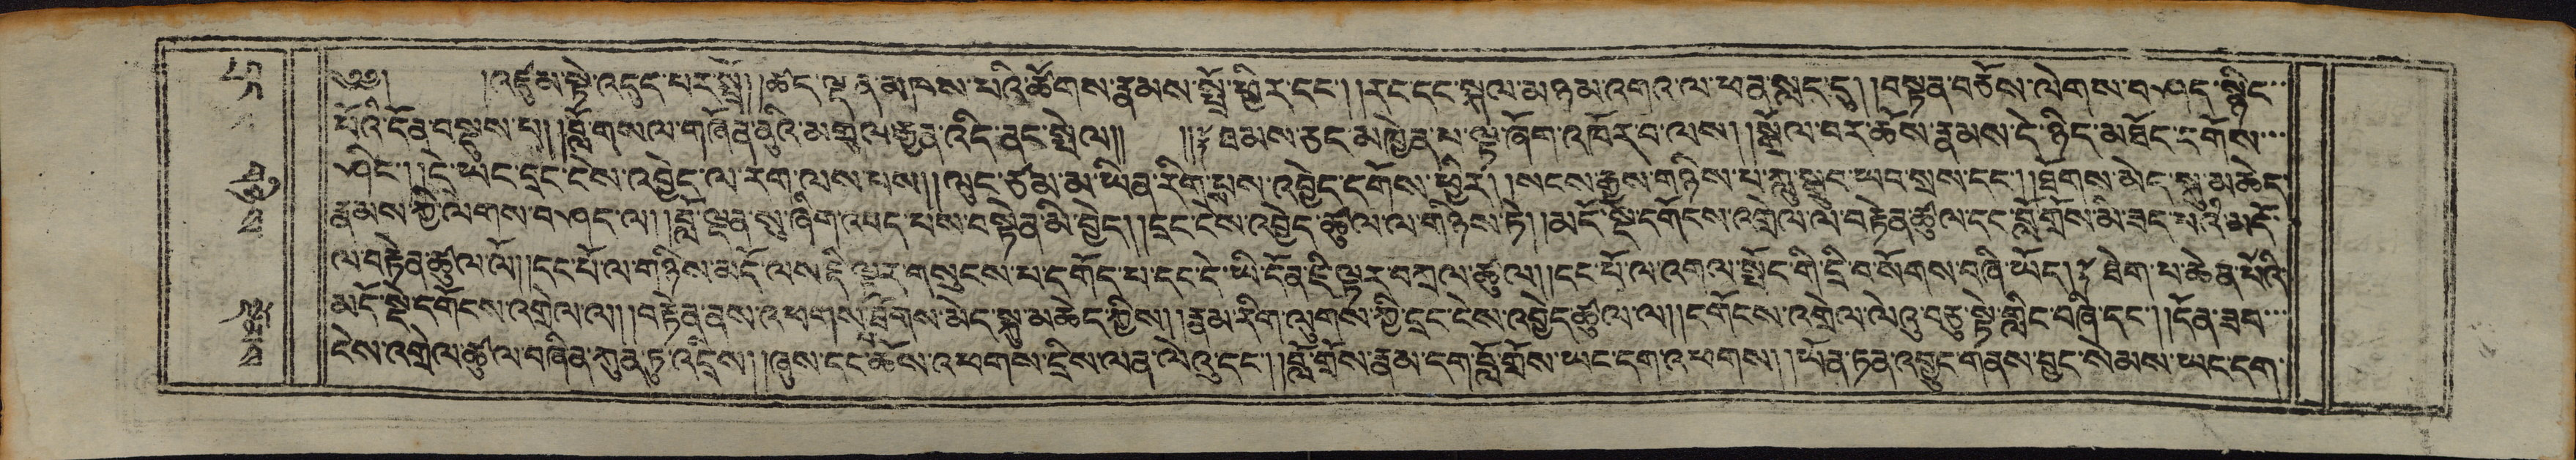༄༅། །འཛུམ་སྟེ་འདུད་པར་སྤྲོ། །ཚད་ལྡན་མཁས་པའི་ཚོགས་རྣམས་སྤྲོ་ཕྱིར་དང་། །རང་དང་སྐལ་མཉམ་འགའ་ལ་ཕན་སླད་དུ། །བསྟན་བཅོས་ལེགས་བཤད་སྙིང་
པོའི་དོན་བསྡུས་པ། །བློ་གསལ་གཞོན་ནུའི་མགུལ་རྒྱན་འདི་ནང་སྤེལ།། ༈ །།ཐམས་ཅད་མཁྱེན་པ་ལྟ་ཞོག་འཁོར་བ་ལས། །སྒྲོལ་བར་ཆོས་རྣམས་དེ་ཉིད་མཐོང་དགོས་
ཤིང་། །དེ་ཡང་དྲང་ངེས་འབྱེད་ལ་རག་ལས་པས། །ལུང་ཙམ་མ་ཡིན་རིགས་པས་འབྱེད་དགོས་ཕྱིར། །སངས་རྒྱས་གཉིས་པ་ཀླུ་སྒྲུབ་ཡབ་སྲས་དང་། །ཐོགས་མེད་སྐུ་མཆེད་
རྣམས་ཀྱི་ལེགས་བཤད་ལ། །བློ་ལྡན་སུ་ཞིག་འབད་པས་བསྟེན་མི་བྱེད། །དྲང་ངེས་འབྱེད་ཚུལ་ལ་གཉིས་ཏེ། །མདོ་སྡེ་དགོངས་འགྲེལ་ལ་བརྟེན་ཚུལ་དང་བློ་གྲོས་མི་ཟད་པའི་མདོ་
ལ་བརྟེན་ཚུལ་ལོ། །དང་པོ་ལ་གཉིས་མདོ་ལས་ཇི་ལྟར་གསུངས་པ་དགོད་པ་དང་དེ་ཡི་དོན་ཇི་ལྟར་བཀྲལ་ཚུལ། །དང་པོ་ལ་འགལ་སྤོང་གི་དྲི་བ་སོགས་བཞི་ཡོད། ༈ །ཐེག་པ་ཆེན་པོའི་
མདོ་སྡེ་དགོངས་འགྲེལ་ལ། །བརྟེན་ནས་འཕགས་པ་ཐོགས་མེད་སྐུ་མཆེད་ཀྱིས། །རྣམ་རིག་ལུགས་ཀྱི་དྲང་ངེས་འབྱེད་ཚུལ་ལ། །དགོངས་འགྲེལ་ལེའུ་བཅུ་སྟེ་གླིང་བཞི་དང་། །དོན་ཟབ་
ངེས་འགྲེལ་ཚུལ་བཞིན་ཀུན་ཏུ་འདྲིས། །ཞུས་དང་ཆོས་འཕགས་དྲིས་ལན་ལེའུ་དང་། །བློ་གྲོས་རྣམ་དག་བློ་གྲོས་ཡང་དག་འཕགས། །ཡོན་ཏན་འབྱུང་གནས་བྱང་སེམས་ཡང་དག་